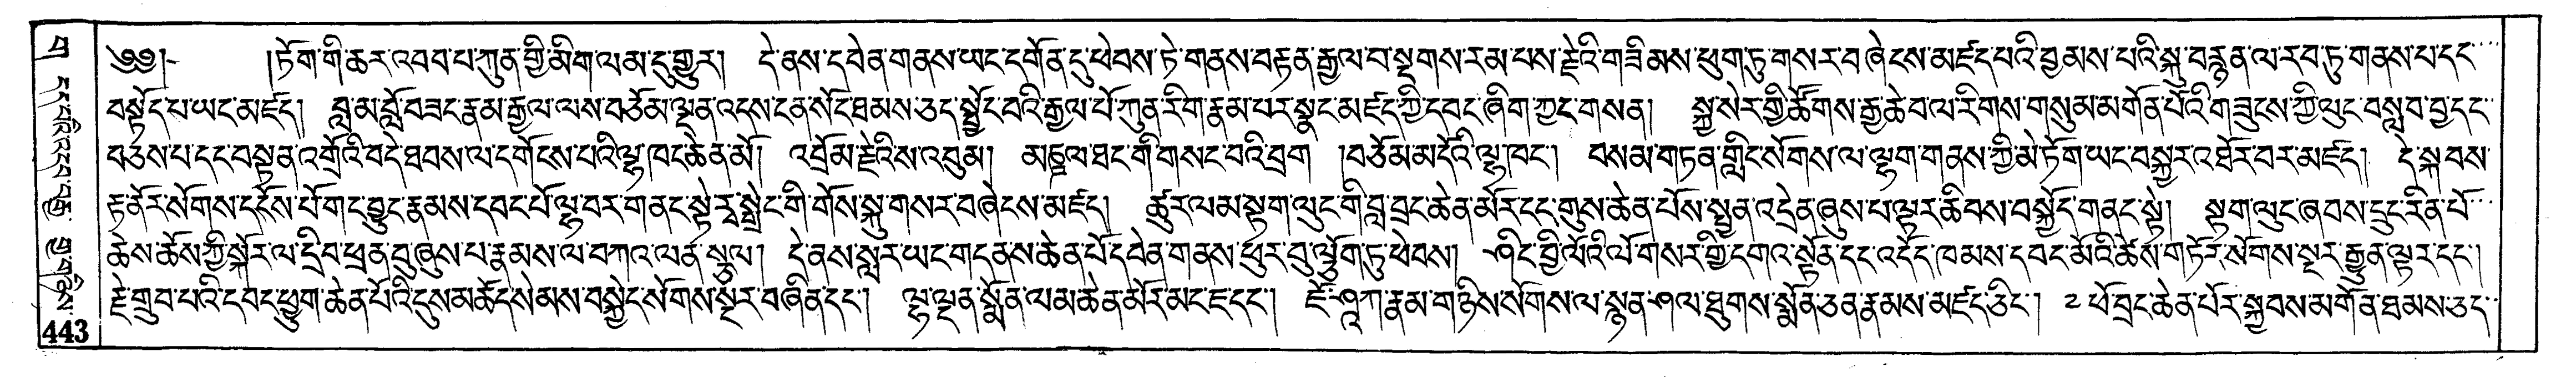༄༅། །ཏོག་གི་ཆར་འབབ་པ་ཀུན་གྱི་མིག་ལམ་དུ་གྱུར། དེ་ནས་དབེན་གནས་ཡང་དགོན་དུ་ཕེབས་ཏེ་གནས་བརྟན་རྒྱལ་པ་སྔགས་རམ་པས་རྗེའི་གཟིམས་ཕུག་ཏུ་གསར་བཞེངས་མཛད་པའི་བྱམས་པའི་སྐུ་བརྙན་ལ་རབ་ཏུ་གནས་པ་དང་
བསྟོད་པ་ཡང་མཛད། བླ་མ་བློ་བཟང་རྣམ་རྒྱལ་ལས་བཅོམ་ལྡན་འདས་དན་སོང་ཐམས་ཅད་སྦྱོང་བའི་རྒྱལ་པོ་ཀུན་རིག་རྣམ་པར་སྣང་མཛད་ཀྱི་དབང་ཞིག་ཀྱང་གསན། སྐྱ་སེར་གྱི་ཆོགས་རྒྱ་ཆེ་བ་ལ་རིགས་གསུམ་མགོན་པོའི་གཟུངས་ཀྱི་ལུང་བསླབ་བྱ་དང་
བཅས་པ་དང་བསྟན་འགྲོའི་བད་ཐབས་ལ་དགོངས་པའི་ལྷ་ཁང་ཆེན་མོ། འབྲོམ་རྗེའི་ས་འབུམ། མཎྜལ་ཐང་གི་གསང་བའི་བྲག །བཅོམ་མདོའི་ལྷ་ཁང་། བསམ་གཏན་གླིང་སོགས་ལ་ལྷག་གནས་ཀྱི་མེ་ཏོག་ཡང་བསྐྱར་འཐོར་བར་མཛད། དེ་སྐབས་
རྟ་ནོར་སོགས་དངོས་པོ་གང་བྱུང་རྣམས་དབང་ཕོ་ལྷ་བར་གནང་སྟེ་རྭ་སྒྲེང་གི་གོས་སྐུ་གསར་བཞེངས་མཛད། ཚུར་ལམ་སྟག་ལུང་གི་བླ་བྲང་ཆེན་མོར་དད་གུས་ཆེན་པོས་སྤྱན་འདྲེན་ཞུས་པ་ལྟར་ཆིབས་བསྐྱོད་གནང་སྟེ། སྟག་ལུང་ཞབས་དྲུང་རིན་པོ་
ཆེས་ཆོས་ཀྱི་སྐོར་ལ་དྲི་བ་ཕྲན་བུ་ཞུས་པ་རྣམས་ལ་བཀའ་ལན་སྩལ། དེ་ནས་སླར་ཡང་གདན་ས་ཆེན་པོ་དཔེན་གནས་ཕུར་བུ་ལྕོག་ཏུ་ཕེབས། ཤིང་བྱི་ལོའི་ལོ་གསར་གྱི་དགའ་སྟོན་དང་འདོད་ཁམས་དབང་མོའི་ཚེས་གཏོར་སོགས་སྔར་རྒྱུན་ལྟར་དང་།
རྗེ་གྲུབ་པའི་དབང་ཕྱུག་ཆེན་པོའི་དུས་མཆོད་སེམས་བསྐྱེད་སོགས་སྔར་བཞིན་དང་། ལྷ་ལྡན་སྨོན་ལམ་ཆེན་མོར་མང་ཇ་དང་། ཇོ་ཤཱཀ་རྣམ་གཉིས་སོགས་ལ་སྙན་ཤལ་ཐུགས་སྨོན་ཅན་རྣ་ལས་མཛད་ཅིང་། ༧་ཕོ་བྲང་ཆེན་པོར་སྐྱབས་མགོན་ཐམས་ཅད་